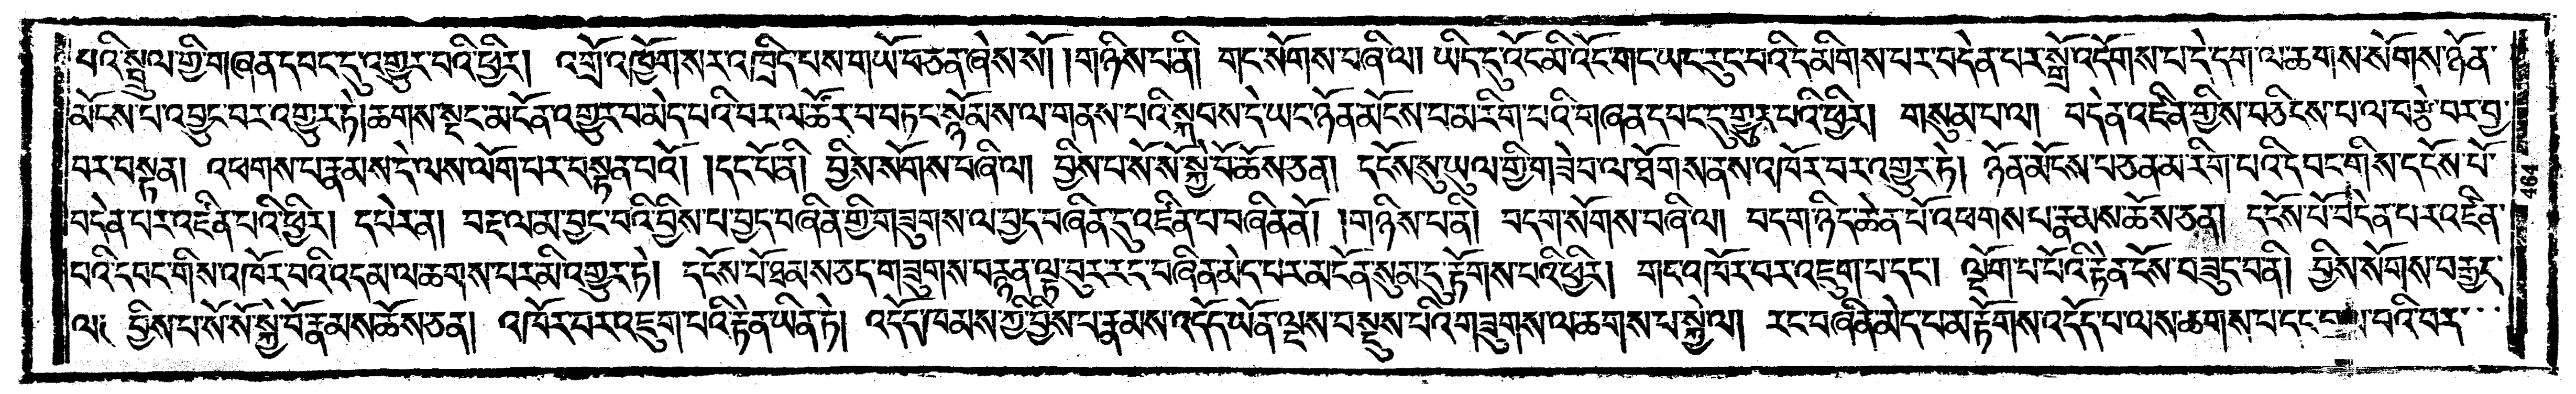པའི་སྦྲུལ་གྱི་གཞན་དབང་དུ་འགྱུར་བའི་ཕྱིར། འགྲོ་འཁྱོག་སར་འཁྲིད་པས་གཡོ་བ་ཅན་ཞེས་སོ། །གཉིས་པ་ནི། གང་སོགས་བཞི་ལ། ཡིད་དུ་འོང་མི་འོང་གང་ཡང་རུང་བའི་དམིགས་པར་བདེན་པར་སྒྲོ་འདོགས་པ་དེ་དག་ལ་ཆགས་སོགས་ཉོན་
མོངས་པ་འབྱུང་བར་འགྱུར་ཏེ། ཆགས་སྡང་མངོན་འགྱུར་བ་མེད་པའི་བར་ལ་ཚོར་བ་བཏང་སྙོམས་ལ་གནས་པའི་སྐབས་དེ་ཡང་ཉོན་མོངས་པ་མ་རིག་པའི་གཞན་དབང་དུ་གྱུར་པའི་ཕྱིར། གསུམ་པ་ལ། བདེན་འཛིན་གྱིས་བཅིངས་པ་ལ་བརྩེ་བར་བྱ་
བར་བསྟན། འཕགས་པ་རྣམས་དེ་ལས་ལོག་པར་བསྟན་པའོ། །དང་པོ་ནི། བྱིས་སོགས་བཞི་ལ། བྱིས་པ་སོ་སོ་སྐྱེ་བོ་ཆོས་ཅན། དངོས་སུ་ཡུལ་གྱི་གཟེབ་ལ་ཐོགས་ནས་འཁོར་བར་འགྱུར་ཏེ། ཉོན་མོངས་པ་ཅན་མ་རིག་པའི་དབང་གིས་དངོས་པོ་
བདེན་པར་འཛིན་པའི་ཕྱིར། དཔེར་ན། བརྡ་ལ་མ་བྱང་བའི་བྱིས་པ་བྱད་བཞིན་གྱི་གཟུགས་ལ་བྱད་བཞིན་དུ་འཛིན་པ་བཞིན་ནོ། །གཉིས་པ་ནི། བདག་སོགས་བཞི་ལ། བདག་ཉིད་ཆེན་པོ་འཕགས་པ་རྣམས་ཆོས་ཅན། དངོས་པོ་བདེན་པར་འཛིན་
པའི་དབང་གིས་འཁོར་བའི་འདམ་ལ་ཆགས་པར་མི་འགྱུར་ཏེ། དངོས་པོ་ཐམས་ཅད་གཟུགས་བརྙན་ལྟ་བུར་རང་བཞིན་མེད་པར་མངོན་སུམ་དུ་རྟོགས་པའི་ཕྱིར། གང་འཁོར་བར་འཇུག་པ་དང་། ལྡོག་པ་པོའི་རྟེན་ངོས་བཟུང་བ་ནི། བྱིས་སོགས་བརྒྱད་
ལ། བྱིས་པ་སོ་སོ་སྐྱེ་བོ་རྣམས་ཆོས་ཅན། འཁོར་བར་འཇུག་པའི་རྟེན་ཡིན་ཏེ། འདོད་ཁམས་ཀྱི་བྱིས་པ་རྣམས་འདོད་ཡོན་ལྔས་བསྡུས་པའི་གཟུགས་ལ་ཆགས་པ་སྐྱེ་ལ། རང་བཞིན་མེད་པ་མ་རྟོགས་འདོད་པ་ལས་ཆགས་པ་དང་བྲལ་བའི་བར་